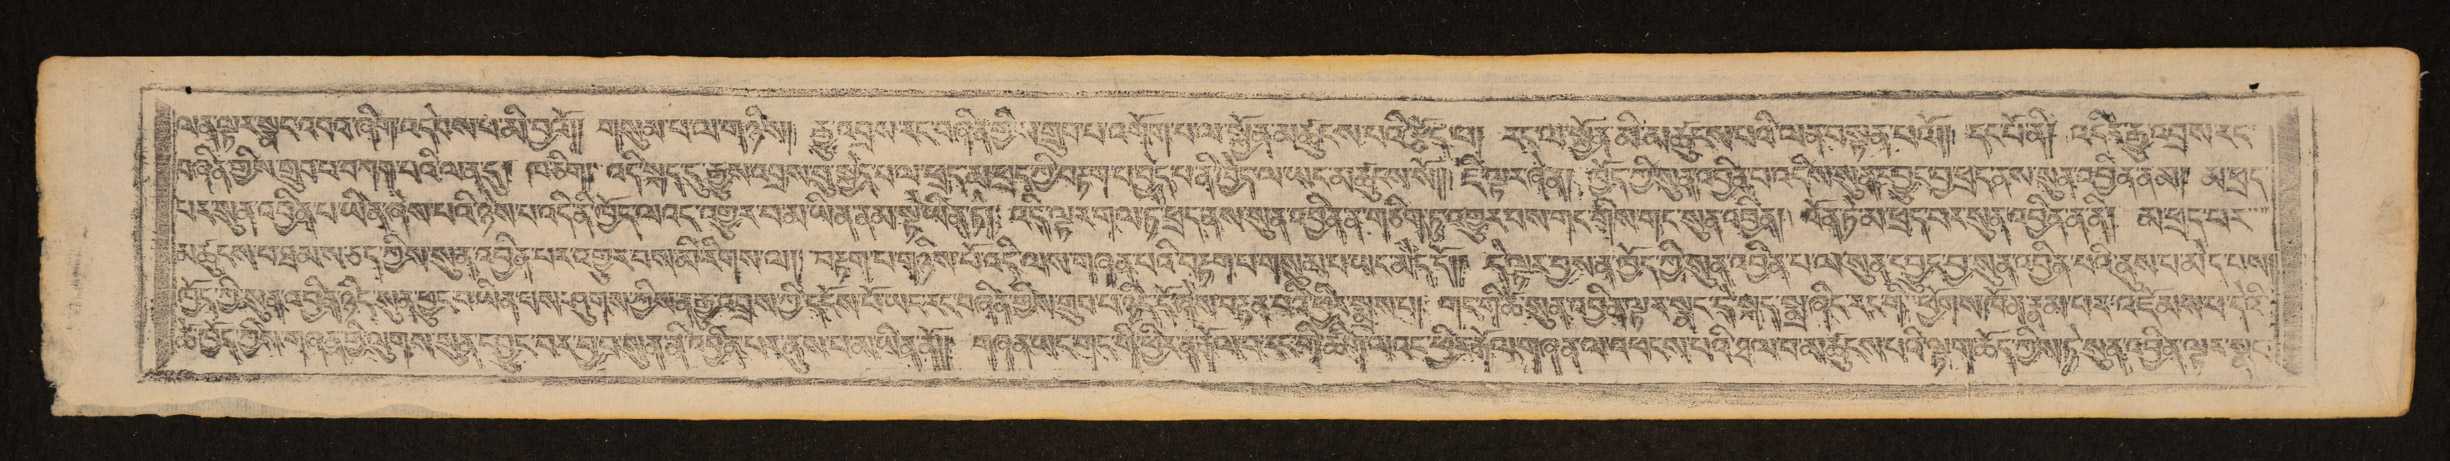ལན་ལྟར་སྣང་འབའ་ཞིག་འདེབས་པ་མི་བྱའོ།། གསུམ་པ་ལ་གཉིས། རྒྱུ་འབྲས་རང་བཞིན་གྱིས་གྲུབ་པ་འགོག་པ་ལ་སྐྱོན་མཚུངས་པའི་རྩོད་པ། རང་ལ་སྐྱོན་མི་མཚུངས་པའི་ལན་བསྟན་པའོ།། དང་པོ་ནི། འདིར་རྒྱུ་འབྲས་རང་
བཞིན་གྱིས་གྲུབ་པ་བཀག་པའི་ལན་དུ། ཁ་ཅིག། འདི་སྐད་དུ་རྒྱུས་འབྲས་བུ་སྐྱེད་པ་ལ་ཕྲད་མ་ཕྲད་ཀྱི་བརྟག་པ་བྱེད་པ་ནི་ཁྱེད་ལ་ཡང་མཚུངས་སོ།། ཇི་ལྟར་ཞེ་ན། ཁྱོད་ཀྱི་སུན་འབྱིན་པ་འདིས་སུན་དབྱུང་བྱ་ཕྲད་ནས་སུན་འབྱིན་ནམ། མ་ཕྲད་
པར་སུན་འབྱིན་པ་ཡིན་ཞེས་པའི་ཉེས་པ་འདི་ནི་ཁྱོད་ལའང་འགྱུར་བ་མ་ཡིན་ནམ་སྟེ་ཡིན་ཏེ། འདི་ལྟར་གལ་ཏེ་ཕྲད་ནས་སུན་འབྱིན་ན་གཅིག་ཏུ་འགྱུར་བས་གང་གིས་གང་སུན་འབྱིན། འོན་ཏེ་མ་ཕྲད་པར་སུན་འབྱིན་ན་ནི། མ་ཕྲད་པར་
མཚུངས་པ་ཐམས་ཅད་ཀྱིས་སུན་འབྱིན་པར་འགྱུར་བས་མི་རིགས་ལ། བརྟག་པ་གཉིས་པོ་འདི་ལས་གཞན་པའི་བརྟག་པ་གསུམ་པ་ཡང་མེད་དོ།། དེ་ལྟར་བྱས་ན་ཁྱོད་ཀྱི་སུན་འབྱིན་པ་ལ་སུན་དབྱུང་བྱ་སུན་འབྱིན་པའི་ནུས་པ་མེད་པས།
ཁྱོད་ཀྱི་སུན་འབྱིན་ཉིད་སུན་ཕྱུང་བ་ཡིན་པས་ཤུགས་ཀྱིས་ན་རྒྱུ་འབྲས་ཀྱི་དངོས་པོ་ཡང་རང་བཞིན་གྱིས་གྲུབ་པ་ཉིད་དོ་ཞེས་བརྟན་པའི་ཕྱིར་སྨྲས་པ། གང་གི་ཚེ་སུན་འབྱིན་ལྟར་སྣང་དེ་སྐད་སྨྲ་ཞིང་རང་གི་ཕྱོགས་ཁོ་ན་རྣམ་པར་འཇོམས་པ་དེའི་
ཚེ་ཁྱོད་ཀྱིས་གཞན་གྱི་ལུགས་སུན་དབྱུང་བར་བྱ་བ་སུན་ནི་འབྱིན་པར་ནུས་པ་མ་ཡིན་ནོ།། གཞན་ཡང་གང་གི་ཕྱིར་ན་རྒོལ་བ་རང་གི་ཚིག་ལའང་ཕྱིར་རྒོལ་གཞན་ལ་འཕངས་པའི་ཐལ་བ་མཚུངས་པའི་ལྟག་ཆོད་ཀྱིས་ཏེ་སུན་འབྱིན་ལྟར་སྣང་